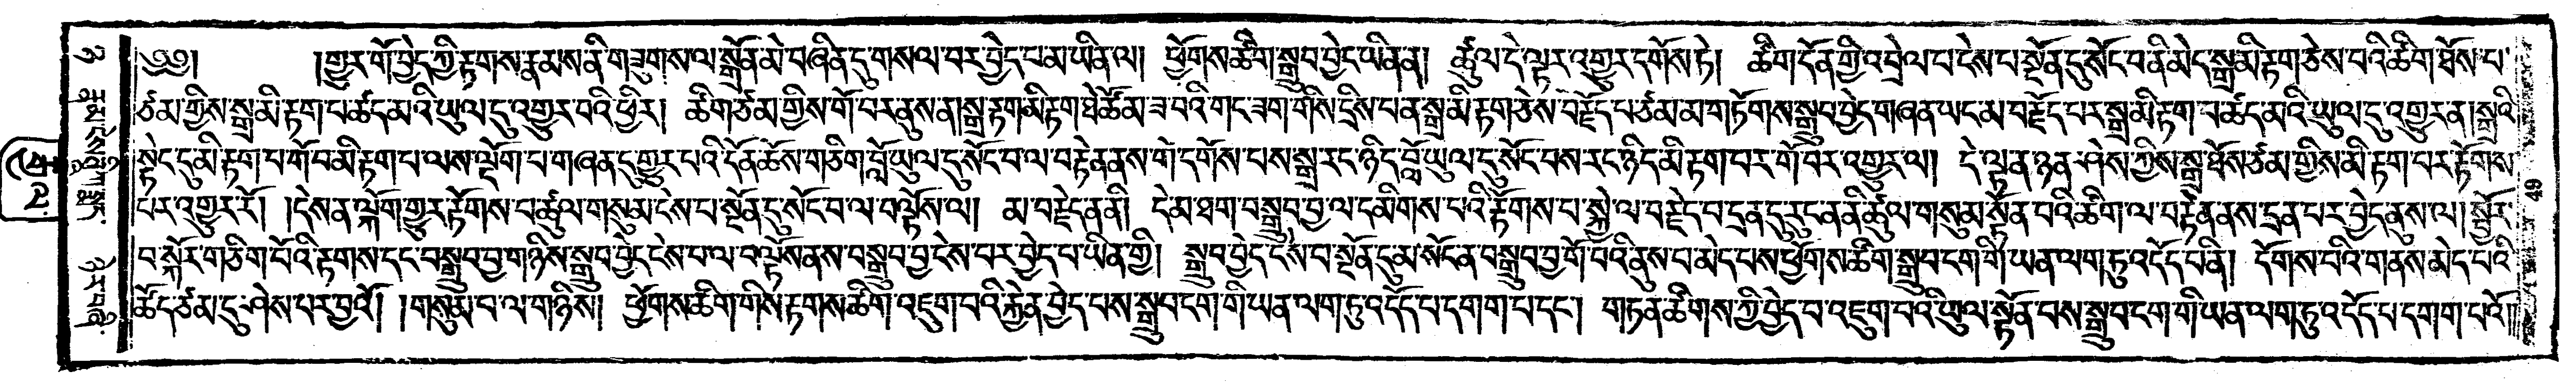༄༅། །གྱུར་གོ་བྱེད་ཀྱི་རྟགས་རྣམས་ནི་གཟུགས་ལ་སྒྲོན་མེ་བཞིན་དུ་གསལ་བར་བྱེད་པ་མ་ཡིན་ལ། ཕྱོགས་ཚིག་སྒྲུབ་བྱེད་ཡིན་ན། ཚུལ་དེ་ལྟར་འགྱུར་དགོས་ཏེ། ཚིག་དོན་གྱི་འབྲེལ་པ་ངེས་པ་སྔོན་དུ་སོང་བ་ནི་མེད་སྒྲ་མི་རྟག་ཅེས་བའི་ཚིག་ཐོས་པ་
ཙམ་གྱིས་སྒྲ་མི་རྟག་པ་ཚད་མའི་ཡུལ་དུ་འགྱུར་བའི་ཕྱིར། ཚིག་ཙམ་གྱིས་གོ་བར་ནུས་ན། སྒྲ་རྟག་མི་རྟག་ཐེ་ཚོམ་ཟ་བའི་གང་ཟག་གིས་དྲིས་བ་ན་སྒྲ་མི་རྟག་ཅེས་བརྗོད་པ་ཙམ་མ་གཏོགས་སྒྲུབ་བྱེད་གཞན་ཡང་མ་བརྗོད་པར་སྒྲ་མི་རྟག་བ་ཚད་མའི་ཡུལ་དུ་འགྱུར་ན། སྒྲའི་
སྟེང་དུ་མི་རྟག་པ་གོ་བ་མི་རྟག་པ་ལས་ལྡོག་པ་གཞན་དུ་གྱུར་པའི་དོན་ཆོས་གཅིག་བློ་ཡུལ་དུ་སོང་བ་ལ་བརྟེན་ནས་གོ་དགོས་པས་སྒྲ་རང་ཉིད་བློ་ཡུལ་དུ་སོང་བས་རང་ཉིད་མི་རྟག་པར་གོ་བར་འགྱུར་ལ། དེ་ལྟ་ན་ཉན་ཤེས་ཀྱིས་སྒྲ་ཐོས་ཙམ་གྱིས་མི་རྟག་བར་རྟོགས་
པར་འགྱུར་རོ། །དེས་ན་ལྐོག་གྱུར་རྟོགས་བ་ཚུལ་གསུམ་ངེས་པ་སྔོན་དུ་སོང་བ་ལ་བལྟོས་ལ། མ་བརྗེད་ན་ནི། དེ་མ་ཐག་བསྒྲུབ་བྱ་ལ་དམིགས་པའི་རྟོགས་པ་སྐྱེ་ལ་བརྗེད་བ་དྲན་དུ་རུང་ན་ནི་ཚུལ་གསུམ་སྟོན་པའི་ཚིག་ལ་བརྟེན་ནས་དྲན་པར་བྱེད་ནུས་ལ། སྦྱོར་
བསྐོར་གཅིག་པོའི་རྟགས་དང་བསྒྲུབ་བྱ་གཉིས་སྒྲུབ་བྱེད་ངེས་པ་ལ་བལྟོས་ནས་བསྒྲུབ་བྱ་ངེས་པར་བྱེད་པ་ཡིན་གྱི། སྒྲུབ་བྱེད་ངེས་པ་སྔོན་ན་བསྒྲུབ་བྱ་གོ་བའི་ནུས་པ་མེ་དཔས་ཕྱོགས་ཚིག་སྒྲུབ་དག་གི་ཡན་ལག་ཏུ་འདོད་པ་ནི། དོགས་པའི་གནས་མེད་པའི་
ཚོད་ཙམ་དུ་ཤེས་པར་བྱའོ། །གསུམ་པ་ལ་གཉིས། ཕྱོགས་ཚིག་གིས་རྟགས་འཇུག་པའི་རྐྱེན་བྱེད་པས་སྒྲུབ་དག་གི་ཡན་ལག་ཏུ་འདོད་པ་དགག་པ་དང་། གཏན་ཚིགས་ཀྱི་བྱེད་བ་འཇུག་བའི་ཡུལ་སྟོན་བས་སྒྲུབ་ངག་གི་ཡན་ལག་ཏུ་འདོད་པ་དགག་པའོ། །